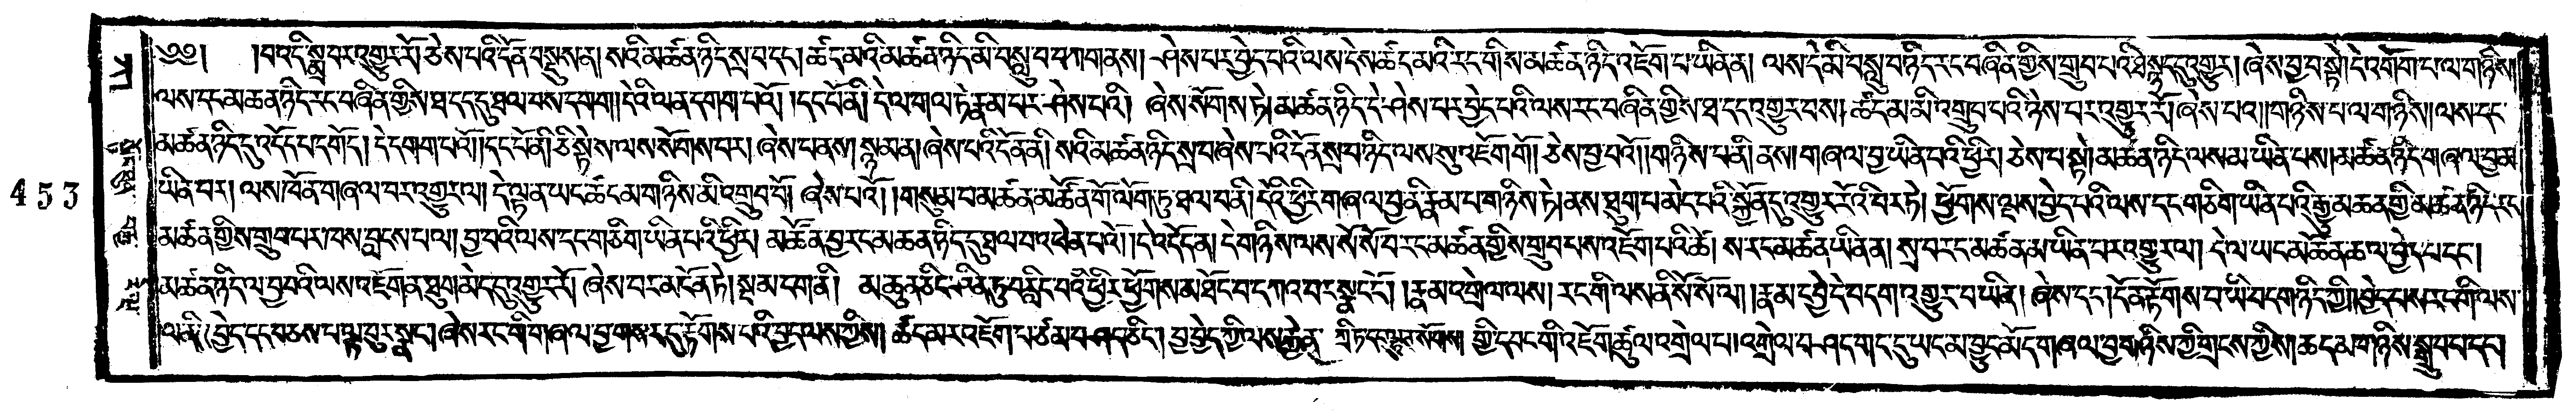༄༅། །བ་འདི་སྨྲ་བར་འགྱུར་རོ། ཅེས་པའི་དོན་བསྡུས་ན། སའི་མཚན་ཉིད་སྲ་བ་དང་། ཚད་མའི་མཚན་ཉིད་མི་བསླུ་བ་བཀག་ནས། ཤེས་པར་བྱེད་པའི་ལས་དེས་ཚད་མའི་རང་གིས་མཚན་ཉིད་འཇོག་པ་ཡིན་ན། ལས་དེ་མི་བསླུ་བ་ཉིད་རང་བཞིན་གྱིས་གྲུབ་པའི་ཐ་སྙད་དུ་འགྱུར། ཞེས་བྱ་བ་སྟེ། དེ་འགོག་པ་ལ་གཉིས།
ལས་དང་མཚན་ཉིད་རང་བཞིན་གྱིས་ཐ་དད་དུ་ཐལ་བས་དགག། དེའི་ལན་དགག་པའོ། །དང་པོ་ནི། དེ་ལ་གལ་ཏེ་རྣམ་པར་ཤེས་པའི། ཞེས་སོགས་ཏེ། མཚན་ཉིད་དེ་ཤེས་པར་བྱེད་པའི་ལས་རང་བཞིན་གྱིས་ཐ་དད་འགྱུར་བས། ཚད་མ་མི་འགྲུབ་པའི་ཉེས་པར་འགྱུར་རོ། ཞེས་པའོ། །གཉིས་པ་ལ་གཉིས། ལས་དང་
མཚན་ཉིད་དུ་འདོད་པ་དགོད། དེ་དགག་པའོ། །དང་པོ་ནི། ཅི་སྟེ་ས་ལས་སོགས་པར། ཞེས་པ་ནས། སྙམ་ན། ཞེས་པའི་དོན་ནི། སའི་མཚན་ཉིད་སྲ་བ་ཞེས་པའི་དོན་སྲ་བ་ཉིད་ལས་སུ་འཇོག་གོ། ཅེས་བྱ་བའོ། །གཉིས་པ་ནི། ནས། གཞལ་བྱ་ཡིན་པའི་ཕྱིར། ཅེས་པ་སྟེ། མཚན་ཉིད་ལས་མ་ཡིན་པས། མཚན་ཉིད་གཞལ་བྱ་མ་
ཡིན་པར། ལས་ཁོ་ན་གཞལ་བར་འགྱུར་ལ། དེ་ལྟ་ན་ཡང་ཚད་མ་གཉིས་མི་འགྲུབ་བོ། ཞེས་པའོ། །གསུམ་པ་མཚན་མཚོན་གོ་ལོག་ཏུ་ཐལ་བ་ནི། དེའི་ཕྱིར་གཞལ་བྱ་ནི་རྣམ་པ་གཉིས་ཏེ། ནས་ཐུག་པ་མེད་པའི་སྐྱོན་དུ་འགྱུར་རོའི་བར་ཏེ། ཕྱོགས་ལྔས་བྱེད་པའི་ལས་དང་གཅིག་ཡིན་པའི་རྒྱུ་མཚན་གྱི་མཚན་ཉིད་རང་
མཚན་གྱིས་གྲུབ་པར་ཁས་བླངས་པ་ལ། བྱ་བའི་ལས་དང་གཅིག་ཡིན་པའི་ཕྱིར། མཚོན་བྱ་རང་མཚན་ཉིད་དུ་ཐལ་བ་འཕེན་པའོ། །དེ་འདོད་ན། དེ་གཉིས་ལས་སོ་སོ་བ་རང་མཚན་གྱིས་གྲུབ་པས་འཇོག་པའི་ཚེ། ས་རང་མཚན་ཡིན་ན། སྲ་བ་རང་མཚན་མ་ཡིན་པར་འགྱུར་ལ། དེ་ལ་ཡང་མཚོན་ཆ་ལ་བྱེད་པ་དང་།
མཚན་ཉིད་ལ་བྱ་བའི་ལས་འཇོག་ན་ཐུག་མེད་དུ་འགྱུར་རོ། ཞེས་བར་མངོན་ཏེ། སྔ་མ་དག་ནི། མཆུན་ཅིང་ཤིན་ཏུ་བརླིང་བའི་ཕྱིར་ཕྱོགས་མཐོང་བ་དཀའ་བར་སྣང་ངོ། །རྣམ་འགྲེལ་ལས། རང་གི་ལས་ནི་སོ་སོ་ལ། །རྣམ་དབྱེ་དེ་བདག་འགྱུར་བ་ཡིན། ཞེས་དང་། དོན་རྟོགས་པ་ཡི་བདག་ཉིད་ཀྱི། །བྱེད་པས་རང་གི་ལས་
ལ་ནི༑ ༑བྱེད་དང་བཅས་པ་ལྟ་བུར་སྣང་། ཞེས་རང་གི་གཞལ་བྱ་གསར་དུ་རྟོགས་པའི་བྱད་ལས་ཀྱིས། ཚད་མར་འཇོག་པ་ཙམ་བཤད་ཅིང་། བྱ་བྱེད་ཀྱི་ལས་རྐྱེན་གྲི་ཏ་དང་ལྷུ་ཊ་སོགས།  གྱི་དབང་གི་འཇོག་ཚུལ་འགྲེལ་པ། འགྲེལ་བཤད་གང་དུ་ཡང་མ་བྱུང་མོད་གཞལ་བྱ་གཉིས་ཀྱི་གྲངས་ཀྱིས། ཆད་མ་གཉིས་སྒྲུབ་པ་དང་།